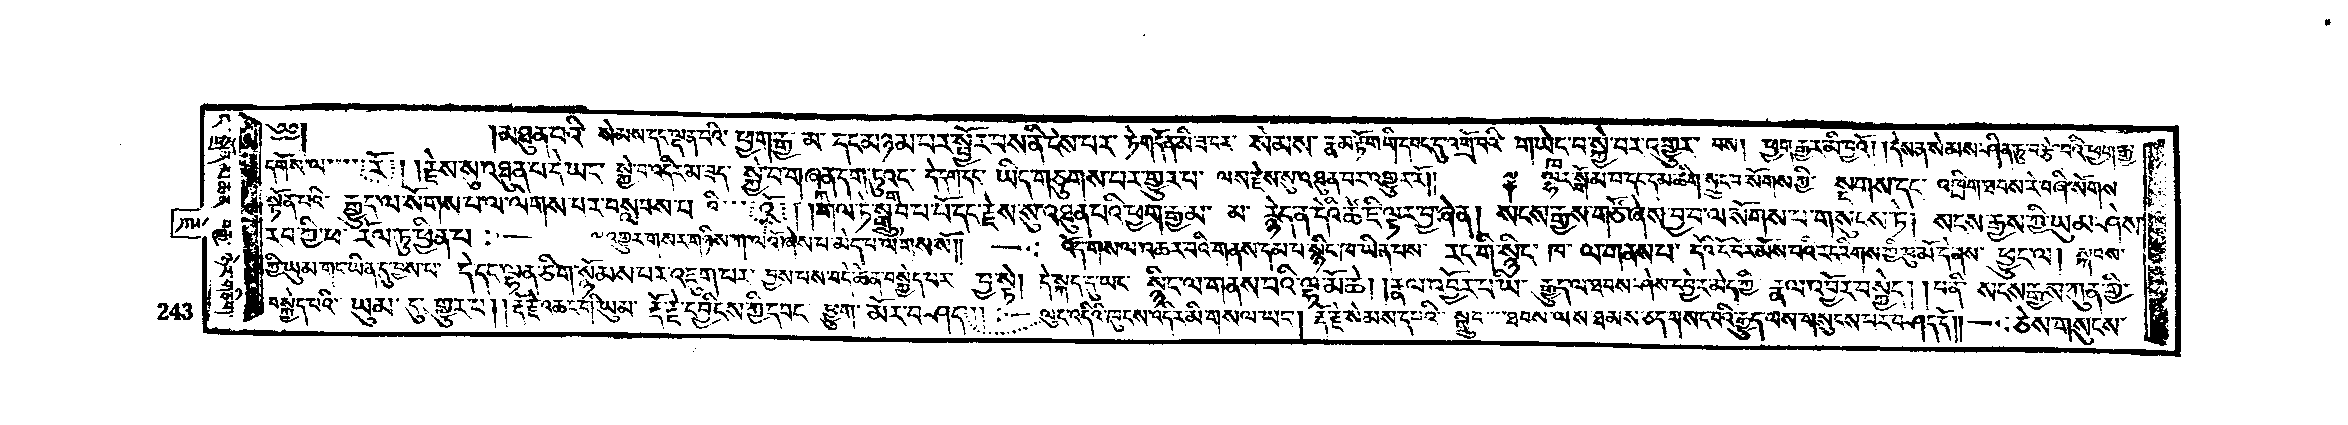༄༅། །མཐུན་པའི་སེམས་དང་ལྡན་པའི་ཕྱག་རྒྱ་མ་དང་མཉམ་པར་སྦྱོར་བས་ནི་ངེས་པར་ཏེ་གདོན་མི་ཟ་བར་སེམས་རྣམ་རྟོག་གི་དབང་དུ་འགྲོ་བའི་གཡེང་བ་སྐྱེ་བར་འགྱུར་བས། ཕྱག་རྒྱར་མི་བྱའོ། །དེས་ན་སེམས་ཤིན་ཏུ་བརྩེ་བའི་ཕྱག་རྒྱ་
དགོས་ལ་རོ། །རྗེས་སུ་འཐུན་པ་དེ་ཡང་སྐྱེ་བ་འདིར་མ་ཟད་སྐྱེ་བ་གཞན་དག་ཏུའང་དེ་དག་དང་ཡིད་གཅུགས་པར་གྱུར་པ་ལས་རྗེས་སུ་འཐུན་པར་འགྱུར་རོ།། ༈ ཁ་ལྷར་སྒོམ་པ་དང་དམ་ཚིག་སྲུང་བ་སོགས་ཀྱི་སྔགས་དང་འཁྲིག་ཐབས་རེ་བཞི་སོགས་
སྟོན་པའི་རྒྱུད་ལ་སོགས་པ་ལ་ལེགས་པར་བསླབས་པའི་འོ། ། ཀ་གལ་ཏེ་སྒྲུབ་ག་པ་པོ་དང་རྗེས་སུ་འཐུན་པའི་ཕྱག་རྒྱ་མ་མ་རྙེད་ན་དེའི་ཚེ་ཇི་ལྟར་བྱ་ཞེ་ན། སངས་རྒྱས་གཙོ་ཞེས་བྱ་བ་ལ་སོགས་པ་གསུངས་ཏེ། སངས་རྒྱས་ཀྱི་ཡུམ་ཤེས་
རབ་ཀྱི་ཕ་རོལ་ཏུ་ཕྱིན་པ་༧་འགྱུར་གསར་གཉིས་ཀ་ལའོ་ཞེས་པ་མེད་པ་ལེགས་སོ།། འོད་གསལ་འཆར་བའི་གནས་དམ་པ་སྙིང་ཁ་ཡིན་པས་རང་གི་སྙིང་ཁ་ལ་གནས་པ་དེའི་ངོ་བོར་མོས་པའི་རང་རིགས་ཀྱི་བུ་མོ་དེ་ནས་ཕྱུང་ལ། སྐབས་
ཀྱི་ཡུམ་གང་ཡིན་དུ་བྱས་པ་དེ་དང་ལྷན་ཅིག་སྙོམས་པར་འཇུག་པར་བྱས་པས་བདེ་ཆེན་བསྐྱེད་པར་བྱ་སྟེ། དེ་སྐད་དུ་ཡང་སྙིང་ལ་གནས་པའི་ལྷ་མོ་ཆེ། །རྣལ་འབྱོར་པ་ཡི་རྒྱུད་ལ་ཐབས་ཤེས་དབྱེར་མེད་ཀྱི་རྣལ་འབྱོར་བསྐྱེད། ། པ་ནི་སངས་རྒྱས་ཀུན་གྱི་
བསྐྱེད་པའི་ཡུམ་དུ་གྱུར་པ། ། རྡོ་རྗེ་འཆང་གི་ཡུམ་རྡོ་རྗེ་དབྱིངས་ཀྱི་དབང་ཕྱུག་མོར་བཤད།། H.་ལུང་འདིའི་ཁུངས་འདིར་མི་གསལ་ཡང་། རྡོ་རྗེ་སེམས་དཔའི་སྒྲུབ་ཐབས་ལས་ཐམས་ཅད་གསང་བའི་རྒྱུད་ལས་གསུངས་པར་བཤད་དོ།།  ཅེས་གསུངས་